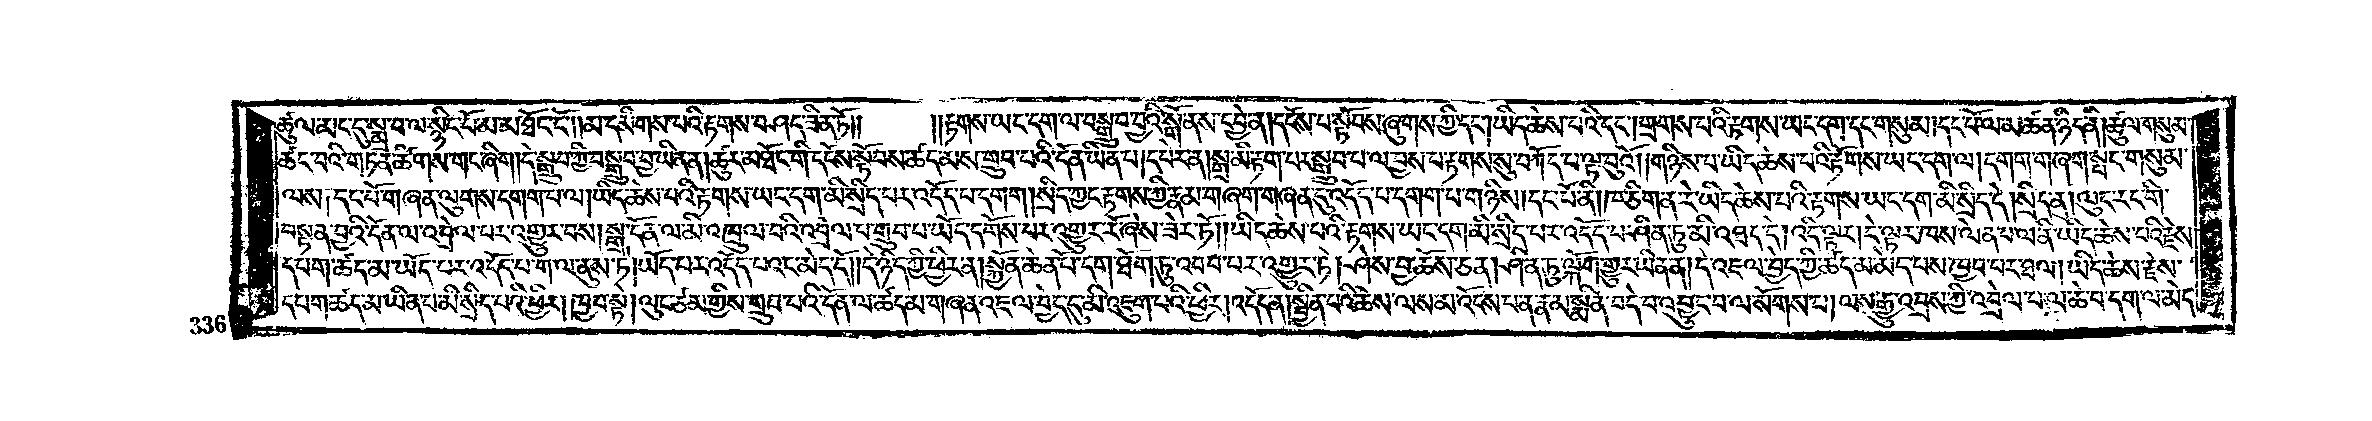ཚུལ་མང་དུ་སྨྲ་བ་ལ་སྙིང་པོ་མ་མཐོང་ངོ། །མ་དམིགས་པའི་རྟགས་བཤད་ཟིན་ཏོ།། །།རྟགས་ཡང་དག་ལ་བསྒྲུབ་བྱའི་སྒོ་ནས་དབྱེ་ན། དངོས་པོ་སྟོབས་ཞུགས་ཀྱི་དང་། ཡིད་ཆེས་པའི་དང་། གྲགས་པའི་རྟགས་ཡང་དག་དང་གསུམ། དང་པོ་ལ་མཚན་ཉིད་ནི། ཚུལ་གསུམ་
ཚང་བའི་གཏན་ཚིགས་གང་ཞིག །དེ་སྒྲུབ་ཀྱི་བསྒྲུབ་བྱ་ཡིན་ན། ཚུར་མཐོང་གི་དངོས་སྟོབས་ཚད་མས་གྲུབ་པའི་དོན་ཡིན་པ། དཔེར་ན། སྒྲ་མི་རྟག་པར་སྒྲུབ་པ་ལ་བྱས་པ་རྟགས་སུ་བཀོད་པ་ལྟ་བུའོ། །གཉིས་པ་ཡིད་ཆེས་པའི་རྟགས་ཡང་དག་ལ། དགག་གཞག་སྤོང་གསུམ་
ལས། དང་པོ་གཞན་ལུགས་དགག་པ་ལ། ཡིད་ཆེས་པའི་རྟགས་ཡང་དག་མི་སྲིད་པར་འདོད་པ་དགག །སྲིད་ཀྱང་རྟགས་ཀྱི་རྣམ་གཞག་གཞན་དུ་འདོད་པ་དགག་པ་གཉིས། དང་པོ་ནི། ཁ་ཅིག་ན་རེ་ཡིད་ཆེས་པའི་རྟགས་ཡང་དག་མི་སྲིད་དེ། སྲིད་ན། ལུང་རང་གི་
བསྟན་བྱའི་དོན་ལ་འབྲེལ་པར་འགྱུར་བས། སྒྲ་དོན་ལ་མི་འཁྲུལ་བའི་འབྲེལ་པ་གྲུབ་པ་ཡོད་དགོས་པར་འགྱུར་རོ་ཞེས་ཟེར་ཏོ། །ཡིད་ཆེས་པའི་རྟག་ཡང་དག་མི་སྲིད་པར་འདོད་པ་ཤིན་ཏུ་མི་འཐད་དེ། འདི་ལྟར། དེ་ལྟར་ཁས་ལེན་པ་ལ་ནི་ཡིད་ཆེས་པའི་རྗེས་
དཔག་ཚད་མ་ཡོད་པར་འདོད་པ་ག་ལ་ནུས་ཏེ། ཡོད་པར་འདོད་པའང་མེད་དོ། །དེ་ཉིད་ཀྱི་ཕྱིར་ན། སྐྱོན་ཆེན་པོ་དག་ཐོག་ཏུ་འབབ་པར་འགྱུར་ཏེ། ཤེས་བྱ་ཆོས་ཅན། ཤིན་ཏུ་ལྐོག་གྱུར་ཡིན་ན། དེ་འཇལ་བྱེད་ཀྱི་ཚད་མ་མེད་པས་ཁྱབ་པར་ཐལ། ཡིད་ཆེས་རྗེས་
དཔག་ཚད་མ་ཡིན་པ་མི་སྲིད་པའི་ཕྱིར། ཁྱབ་སྟེ། ལུང་ཙམ་གྱིས་གྲུབ་པའི་དོན་ལ་ཚད་མ་གཞན་འཇལ་བྱེད་དུ་མི་འཇུག་པའི་ཕྱིར། འདོད་ན། སྦྱིན་པའི་ཆེས་ལས་མ་འོངས་པ་ན་རྣམ་སྨིན་བདེ་བ་འབྱུང་བ་ལ་སོགས་པ། ལས་རྒྱུ་འབྲས་ཀྱི་འབྲེལ་པ་ལ་ཆེ་བ་དག་ལ་མེད་